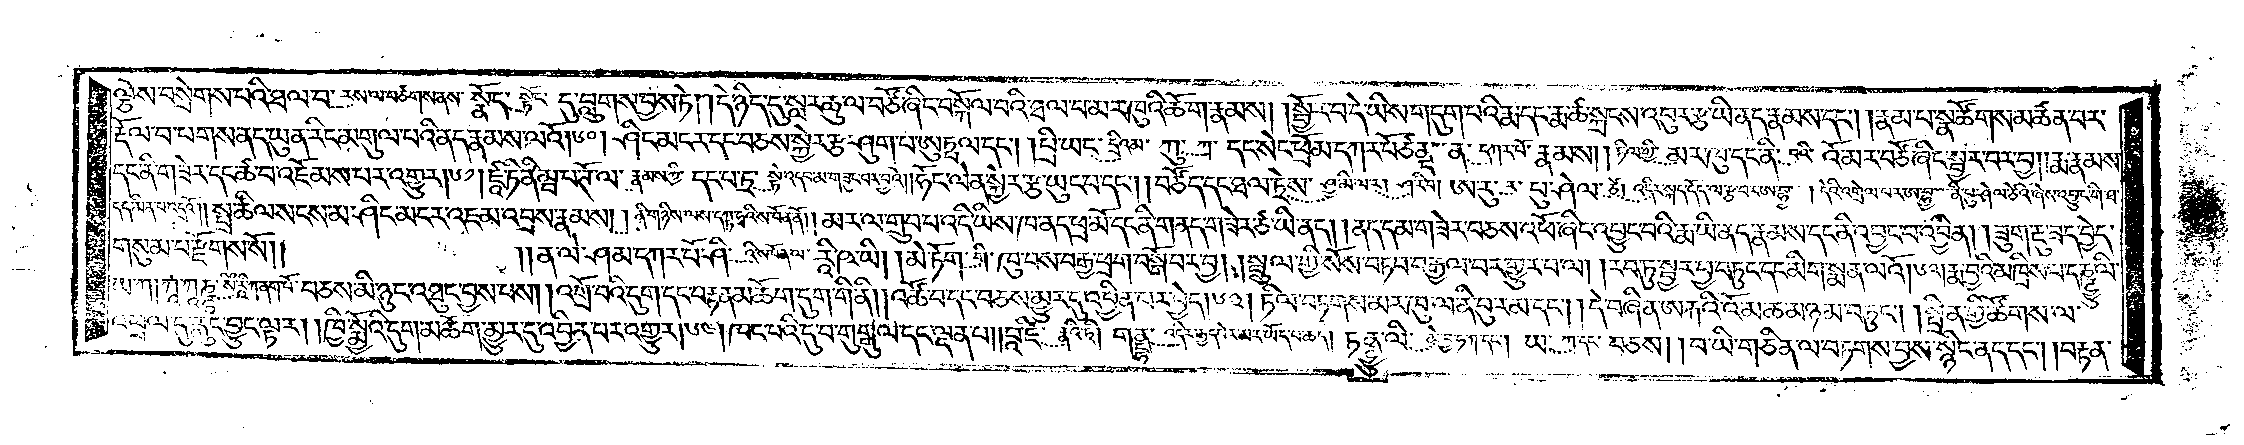ལྕེས་བསྲེགས་པའི་ཐལ་བ་རས་ལ་བཙགས་ནས་སྣོད་སྟོང་དུ་བླུགས་བྱས་ཏེ། །དེ་ཉིད་དུ་སླར་ཆུ་ལ་བཙོ་ཞིང་བསྐོལ་བའི་ཐལ་པ་མར་ཁུའི་ཆོ་ག་རྣམས། །སྦྱོར་བ་དེ་ཡིས་གདུག་པའི་རྨ་དང་རྨ་ཚ་སྐྲངས་འབུར་རྩ་ཡི་ནད་རྣམས་དང་། །རྣམ་པ་སྣ་ཚོགས་མཚན་བར་
རྡོལ་བ་པགས་ནད་ཡུན་རིང་མགུལ་པའི་ནད་རྣམས་ལའོ། ༦༠་།ཤིང་མངར་དང་བཅས་སྐྱེར་རྩ་ཤུག་པ་ཨུཏྤལ་དང་། །པྲི་ཡང་དྲིའམ་ཀུ་ཀ་དང་སེང་ཕྲོམ་དཀར་པོ་ཙནྡ་ན་དཀར་པོ་རྣམས། །ཏིལ་གྱི་མར་ཁུ་དང་ནི་བའི་འོ་མར་བཙོ་ཞིང་སྦྱར་བར་བྱ། །རྨ་རྣམས་
དང་ནི་གཟེར་དང་ཚ་བ་འཇོམས་པར་འགྱུར། ༦༡་།ཛཱ་ཏི་ནིམྦ་པ་ཊོ་ལ་རྣམས་ཀྱི་དང་པ་ཏྲ་སྟེ་འདབ་མ་གཟུང་བར་བྱའོ། །ཧོང་ལེན་སྐྱེར་རྩ་ཡུང་བ་དང་། །བཙོད་དང་ཐལ་ཏྲེས་ཤྱ་མི་ལ་ར། ཤ་རི་བ། ཨ་རུ་ར་པུ་ཤེལ་ཙེ། འདིར་སྐད་དོད་ལ་རྩ་བར་ཨ་བྷྱ་།དེའི་འགྲེལ་པར་ཨ་བྷྱ་ནི་པུ་ཤེལ་ཙེའོ་ཞེས་འབྱུང་གི་ཐ་
དད་མིན་པ་འདྲའོ། །སྤྲ་ཚིལ་སངས་མ་ཤིང་མངར་འཇམ་འབྲས་རྣམས། །ནི་གཉིས་ལས་དཀྟ་ཧྭའི་ས་བོན་ནོ། །མར་ལ་གྲུབ་པ་འདི་ཡིས་ཁ་ནད་ཕྲ་མོ་དང་ནི་གནད་གཟེར་ཙ་ཡི་ནད། །ནད་དམ་གཟེར་བཅས་འཕོ་ཞིང་འབྱུང་བའི་རྨ་ཡི་ནད་རྣམས་དང་ནི་འབྱང་བ་འབྱིན། །ཟུག་རྔུ་ཟད་བྱེད་
གསུམ་པ་རྫོགས་སོ།། །།ན་ལེ་ཤམ་དཀར་པོ་ཤི་འི་ས་པོན་ལ་རཱི་ཥ་ཡི། །མེ་ཏོག་གི་ཁུ་བས་བརྒྱ་ཕྲག་བསྒོ་བར་བྱ། །སྦྲུལ་གྱི་སོས་བཏབ་བརྒྱལ་བར་གྱུར་པ་ལ། །རབ་ཏུ་སྦྱར་བྱ་བཏུང་དང་མིག་སྨན་ལའོ། ༦༢་།རྨ་བྱའི་མཁྲིས་པ་དཎྜྱུ་ལི་
ཡ་ཀ། ཀཱ་ཀཱཎྜཱ་སིཾ་རཱི་ཀ་ནག་པོ་བཅས་མི་ཉུང་འཐུང་བྱས་པས། །འགྲོ་བའི་དུག་དང་བརྟན་མཆོག་དུག་གི་ནི། །འཚོ་བ་དང་བཅས་མྱུར་དུ་འབྱིན་པར་བྱེད། ༦༣་།ཏིལ་བཏགས་མར་ཁུ་ལ་ནི་པུ་ར་མ་དང་། །དེ་བཞིན་ཨརྐའི་འོ་མ་ཆ་མཉམ་བཏུང་། །སྤྲིན་གྱི་ཚོགས་ལ་
འཕྲལ་དུ་རླུང་བྱུང་ལྟར། །ཁྱི་སྨྱོའི་དུག་མཆོག་མྱུར་དུ་འབྱིན་པར་འགྱུར། ༦༤་།ཁང་པའི་དུ་བ་གུགྒུལ་དང་ལྡན་པ། །བཱ་ཛི་རྣའི་ཏྲི། གནྡྷ་འདིར་རྒྱ་དཔེར་མར་ཡོད་པ་ཆད། ཏནྜྱུ་ལི་མེ་བྱ་ཧ་ཀ་དང་། ཡ་ཀ་དང་བཅས། །བ་ཡི་གཅིན་ལ་བཏགས་བྱས་སྙིང་ནད་དང་། །བརྟན་